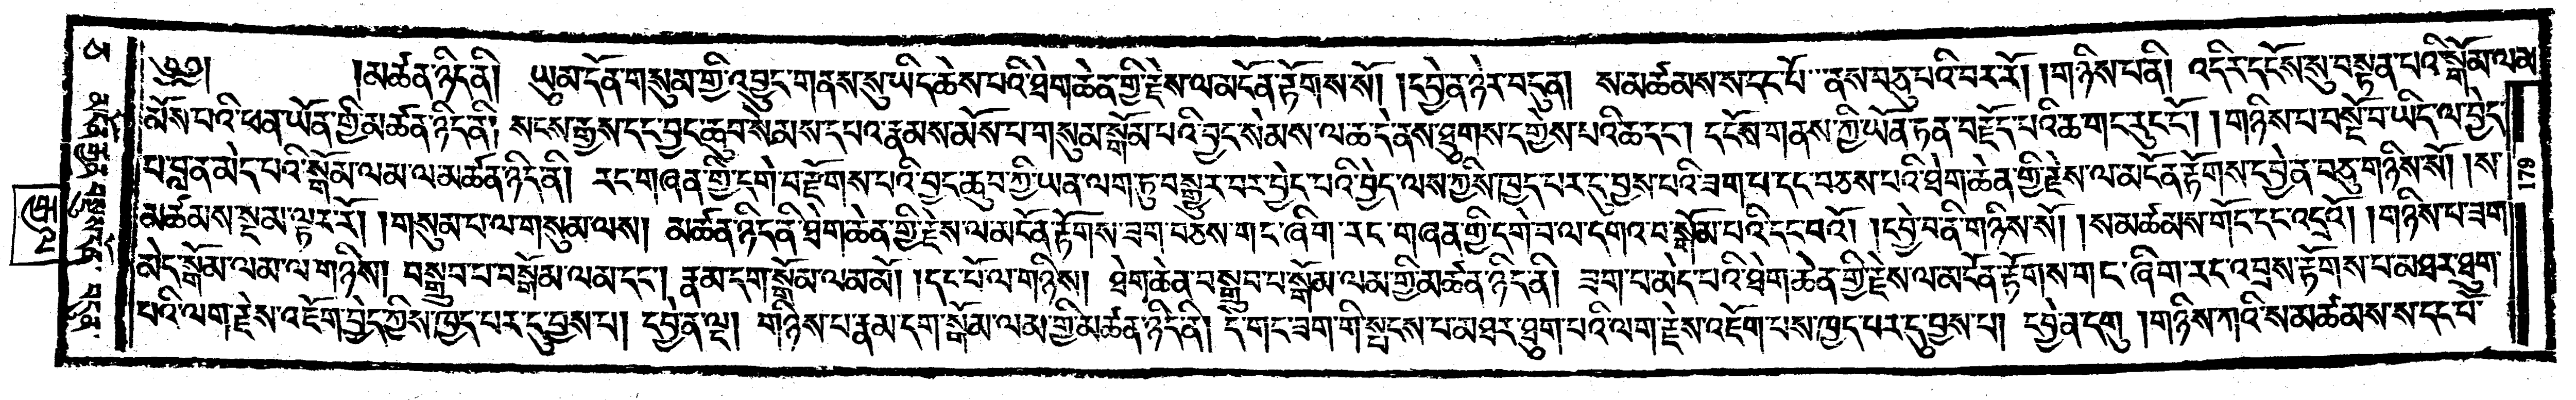༄༅། །མཚན་ཉིད་ནི། ཡུམ་དོན་གསུམ་གྱི་འབྱུང་གནས་སུ་ཡིད་ཆེས་པའི་ཐེག་ཆེན་གྱི་རྗེས་ལ་མངོན་རྟོགས་སོ། །དབྱེ་ན་ཉེར་བདུན། ས་མཚམས་ས་དང་པོ་ནས་བཅུ་པའི་བར་རོ། །གཉིས་པ་ནི། འདིར་དངོས་སུ་བསྟན་པའི་སྒོམ་ལམ་
མོས་པའི་ཕན་ཡོན་གྱི་མཚན་ཉིད་ནི། སངས་རྒྱས་དང་བྱང་ཆུབ་སེམས་དཔའ་རྣམས་མོས་པ་གསུམ་སྒོམ་པའི་བྱང་སེམས་ལ་ཆ་དེ་ནས་ཐུགས་དགྱེས་པའི་ཆ་དང་། དངོས་གནས་ཀྱི་ཡོན་ཏན་བརྗོད་པའི་ཆ་གང་རུང་ངོ། །གཉིས་པ་བསྔོ་བ་ཡིད་ལ་བྱེད་
པ་བླ་ན་མེད་པའི་སྒོམ་ལམ་ལ་མཚན་ཉིད་ནི། རང་གཞན་གྱི་དགེ་བ་རྫོགས་པའི་བྱང་ཆུབ་ཀྱི་ཡན་ལག་ཏུ་བསྒྱུར་བར་བྱེད་པའི་བྱེད་ལས་ཀྱིས་ཁྱད་པར་དུ་བྱས་པའི་ཟག་པ་དང་བཅས་པའི་ཐེག་ཆེན་གྱི་རྗེས་ལ་མངོན་རྟོགས་དབྱེ་ན་བཅུ་གཉིས་སོ། །ས་
མཚམས་སྔ་མ་ལྟར་རོ། །གསུམ་པ་ལ་གསུམ་ལས། མཚན་ཉིད་ནི་ཐེག་ཆེན་གྱི་རྗེས་ལ་མངོན་རྟོགས་ཟག་བཅས་གང་ཞིག་རང་བཞིན་གྱི་དགེ་བ་ལ་དགའ་བ་སྒོམ་པའི་དང་བའོ། །དབྱེ་བ་ནི་གཉིས་སོ། །ས་མཚམས་གོང་དང་འདྲའོ། །གཉིས་པ་ཟག་
མེད་སྒོམ་ལམ་ལ་གཉིས། བསྒྲུབ་པ་བསྒོམ་ལམ་དང་། རྣམ་དག་སྒོམ་ལམ་མོ། །དང་པོ་ལ་གཉིས། ཐེག་ཆེན་བསྒྲུབ་པ་སྒོམ་ལམ་གྱི་མཚན་ཉིད་ནི། ཟག་པ་མེད་པའི་ཐེག་ཆེན་གྱི་རྗེས་ལ་མངོན་རྟོགས་གང་ཞིག་རང་འབྲས་རྟོགས་པ་མཐར་ཐུག་
པའི་ལག་རྗེས་འཇོག་བྱེད་ཀྱིས་ཁྱད་པར་དུ་བྱས་པ། དབྱེ་ན་ལྔ། གཉིས་པ་རྣམ་དག་སྒོམ་ལམ་གྱི་མཚན་ཉིད་ནི། དེ་གང་ཟག་གི་སྤངས་པ་མཐར་ཐུག་པའི་ལག་རྗེས་འཇོག་པས་ཁྱད་པར་དུ་བྱས་པ། དབྱེ་ན་དགུ །གཉིས་ཀའི་ས་མཚམས་ས་དང་པོ་